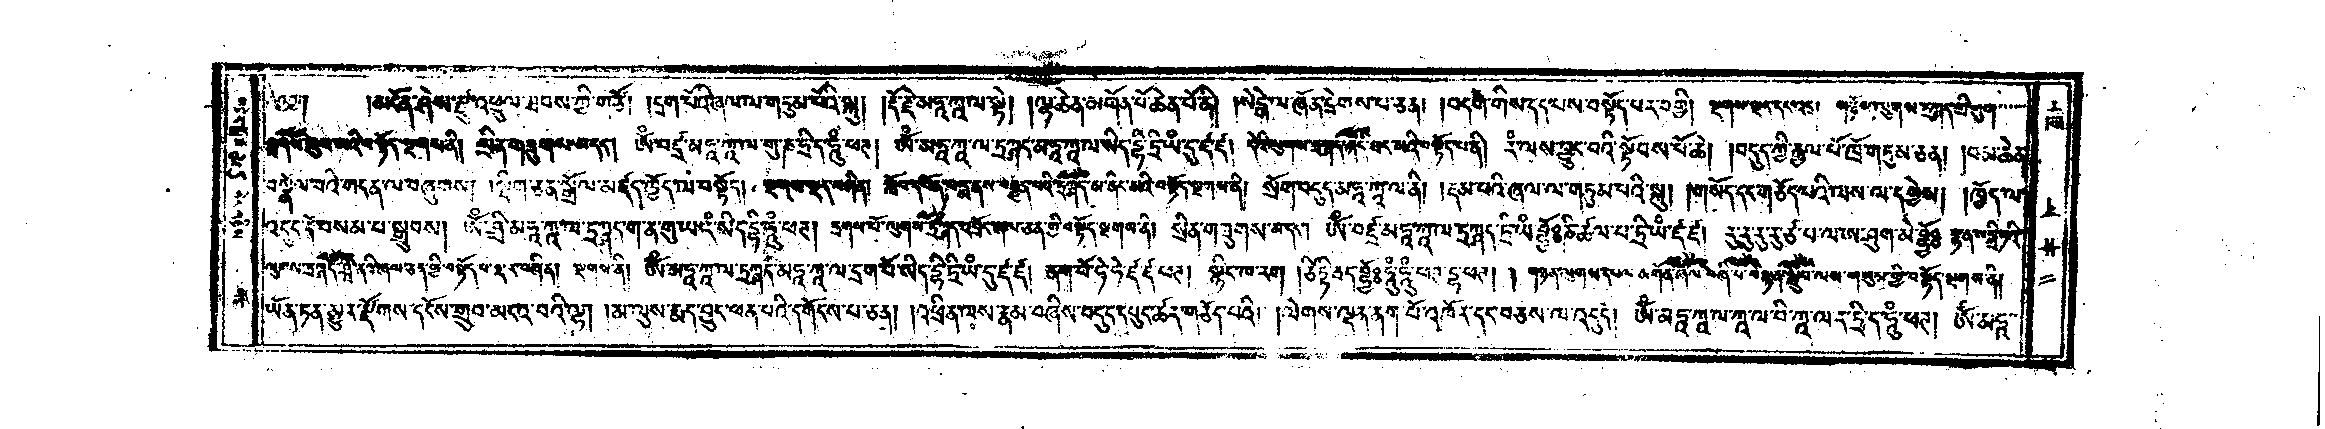༄༅། །མངོན་ཤེས་རྫུ་འཕྲུལ་ཐབས་ཀྱི་གཙོ། །དྲག་པོའི་ཞལ་ལ་གཏུམ་པོའི་སྐུ། །རྡོ་རྗེ་མཧཱ་ཀཱ་ལ་སྟེ། །ལྷ་ཆེན་མགོན་པོ་ཆེན་པོ་ནི། །སེངྒེ་ལ་ཞོན་དྲེགས་པ་ཅན། །བདག་གིས་དད་པས་བསྟོད་པར་བགྱི། སྔགས་སྔར་དང་འདྲ། གཉོས་ལུགས་ཏྲཀྴད་གྲི་གུག་
སྦྲགས༢༦༨་གྲུབ་མའི་བསྟོད་སྔགས་ནི། སྲིན་གཟུགས་མ་དང་།  ཨོཾ་བཛྲ་མཧཱ་ཀཱ་ལ་གུ་ཎ་ཧྲི་ད་ཧཱུཾ་ཕཊ། ཨོཾ་མཧཱ་ཀཱ་ལ་ཏྲཀྴད་མཧཱ་ཀཱ་ལ་སིད་དྷི་ཏྲི་ཡཾ་དུ་ཛ་ཛ། དེའི་ལུགས་ཏྲཀྴད་རྐང༢༦༩་ཐང་མའི་བསྟོད་པ་ནི། རཾ་ལས་བྱུང་བའི་སྟོབས་པོ་ཆེ། །བདུད་ཀྱི་རྒྱལ་པོ་ཁྲོ་གཏུམ་ཅན། །བམ་ཆེན་
བསྣོལ་བའི་གདན་ལ་བཞུགས། །སྡིག་ཅན་སྒྲོལ་མཛད་ཁྱོད་ལ་བསྟོད། སྔགས་སྔར་བཞིན། སློབ་དཔོན་པདམ་ནས་བརྒྱུད་པའི་ཏྲཀྴད ༢༧༠་མ་ནིང་མའི་བསྟོད་སྔགས་ནི། སྲོག་བདུད་མཧཱ་ཀཱ་ལ་ནི། །རྡམ་པའི་ཞལ་ལ་གཏུམ་པའི་སྐུ། །གསོད་དང་གཅོད་པའི་ལས་ལ་དགྱེས། །ཁྱོད་ལ་
འདུད་དོ་བསམ་པ་སྒྲུབས། ཨོཾ་ཤྲི་མཧཱ་ཀཱ་ལ་ཏྲཀྴད་ག་ན་གུ་ཡ་རཾ་སིད་དྷི་ཧཱུཾ་ཕཊ། དྲགས་པོ་ལུགས༢༧༡་ཏྲཀྴད་འབྲོང་ཞལ་ཅན་གྱི་བསྟོད་སྔགས་ནི། སྲིན་གཟུགས་མ་དང་།  ཨོཾ་བཛྲ་མཧཱ་ཀཱ་ལ་ཏྲཀྴད་ཏྲི་ཡཾ་བྷྱོཿཎི་ཚལ་པ་ཏྲི་ཡཾ་ཛ་ཛ། རུ་རུ་རུ་རུ་ཙ་པ་ལ་ཨ་ཤུག་མེ་བྷྱོཿ དྷ་ན་སངྐྲི་ཏའི་
ལུགས་ཏྲཀྴད༢༧༢་ཤྲཱ་ནའི་ཞལ་ཅན་གྱི་བསྟོད་པ་སྔར་བཞིན། སྔགས་ནི། ཨོཾ་མཧཱ་ཀཱ་ལ་ཏྲཀྴད་མཧཱ་ཀཱ་ལ་དྲག་པོ་སིད་དྷི་ཏྲི་ཡཾ་དུ་ཛ་ཛ། ནག་པོ་ཧེ་ཏེ?་ཛ་ཛ་ཕཊ། སྙིང་ཁ་རག །ཙིཏྟི་རྦད་བྷྱོཿཧཱུཾ་ཧཱུཾ་ཕཊ་དྷ་ཕཊ། ༈ གཉན་ལུགས་དཔལ་མགོན་ཞལ༢༧༣་བཞི་པ༢༧༤་བསྙན་སྒྲུབ༢༧༥་ལས་གསུམ་གྱི་བསྟོད་སྔགས་ནི།
ཡོན་ཏན་མྱུར་རྫོགས་དངོས་གྲུབ་མངའ་བའི་ལྷ། །མ་ལུས་རྨད་བྱུང་ཕན་པའི་དགོངས་པ་ཅན། །འཕྲིན་ལས་རྣམ་བཞིས་བདུད་དཔུང་ཚར་གཅོད་པའི། །ལེགས་ལྡན་ནག་པོ་འཁོར་དང་བཅས་ལ་འདུད། ཨོཾ་མཧཱ་ཀཱ་ལ་ཀཱ་ལ་བི་ཀཱ་ལ་ར་ཏྲི་ད་ཧཱུཾ་ཕཊ། ཨོཾ་མཧཱ་